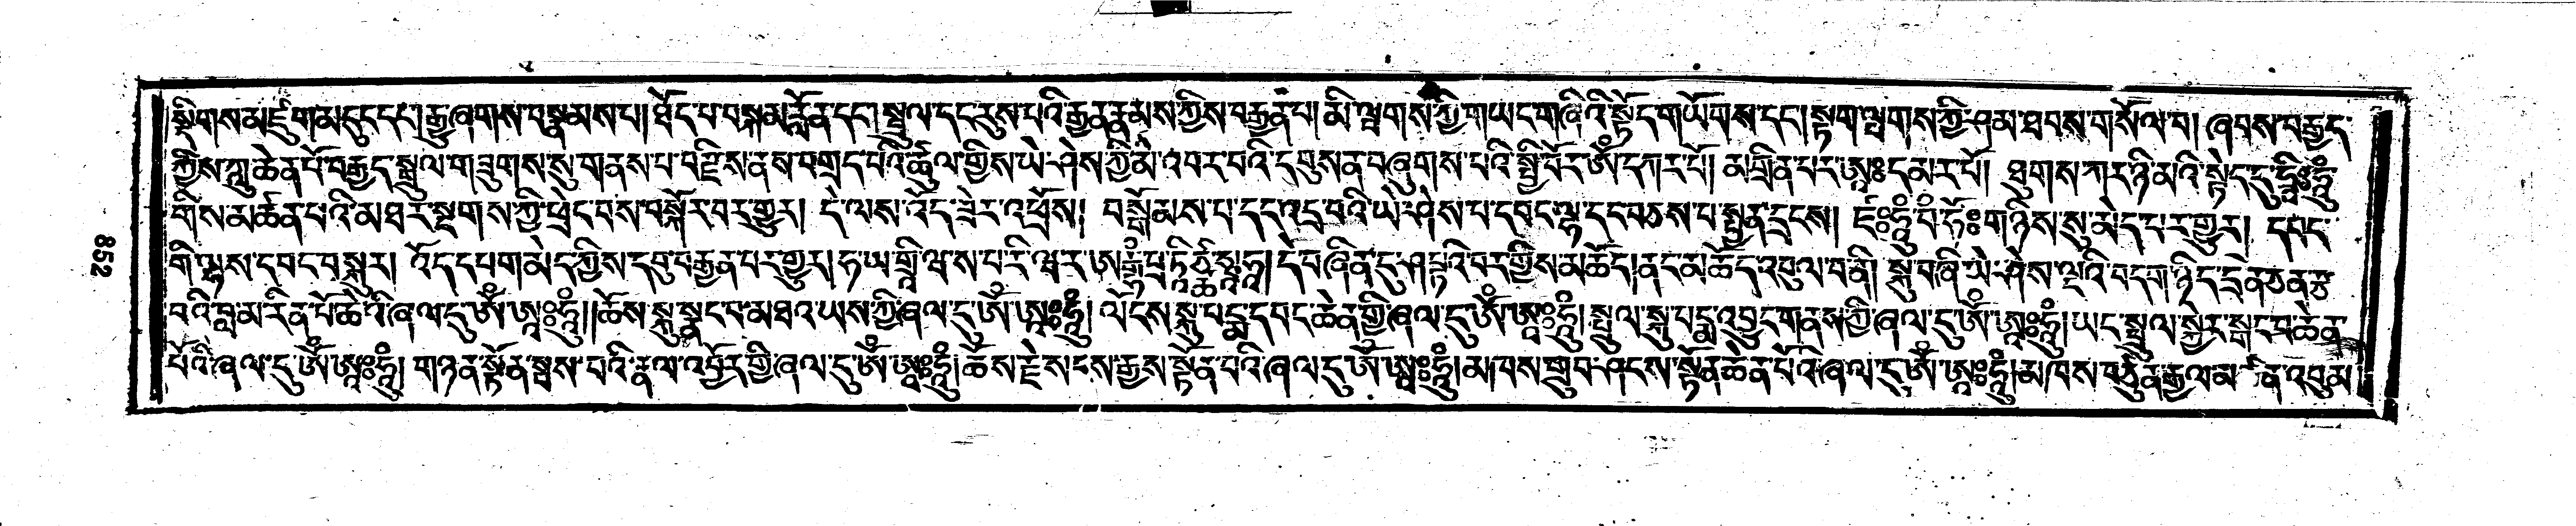སྡིགས་མཛུག་མདུང་དང་། རྒྱུ་ཞགས་བསྣམས་པ། ཐོད་པ་བསྐམ་རློན་དང་། སྦྲུལ་དང་རུས་པའི་རྒྱན་རྣམས་ཀྱིས་བརྒྱན་པ། མི་ལྤགས་ཀྱི་གཡང་གཞིའི་སྟོད་གཡོགས་དང་། སྟག་ལྤགས་ཀྱི་ཤམ་ཐབས་གསོལ་བ། ཞབས་བརྒྱད་
ཀྱིས་ཀླུ་ཆེན་པོ་བརྒྱད་སྦྲུལ་གཟུགས་སུ་གནས་པ་བརྫིས་ནས་བགྲད་པའི་ཚུལ་གྱིས་ཡེ་ཤེས་ཀྱི་མེ་འབར་བའི་དབུས་ན་བཞུགས་པའི་སྤྱི་བོར་ཨོཾ་དཀར་པོ། མགྲིན་པར་ཨཱཿ དམར་པོ། ཐུགས་ཀར་ཉི་མའི་སྟེང་དུ་ཧྲཱིཿ ཧཱུཾ་
གིས་མཚན་པའི་མཐར་སྔགས་ཀྱི་ཕྲེང་བས་བསྐོར་བར་གྱུར། དེ་ལས་འོད་ཟེར་འཕྲོས། བསྒོམས་པ་དང་འདྲ་བའི་ཡེ་ཤེས་པ་དབང་ལྷ་དང་བཅས་པ་སྤྱན་དྲངས། ཛཿ ཧཱུཾ་བཾ་ཧོཿ གཉིས་སུ་མེད་པར་གྱུར། དབང་
གི་ལྷས་དབང་བསྐུར། འོད་དཔག་མེད་ཀྱིས་དབུ་བརྒྱན་པར་གྱུར། ཧ་ཡ་གྲཱི་ཝ་ས་པ་རི་ཝ་ར་ཨརྒྷཾ་པྲ་ཏཱི་ཙྪ་སྭཱཧཱ། དེ་བཞིན་དུ་ཤཔྟའི་བར་གྱིས་མཆོད། ནང་མཆོད་འབུལ་བ་ནི། སྐུ་བཞི་ཡེ་ཤེས་ལྔའི་བདག་ཉིད་དྲིན་ཅན་རྩ་
བའི་བླ་མ་རིན་པོ་ཆེའི་ཞལ་དུ་ཨོཾ་ཨཱཿ ཧཱུཾ། །ཆོས་སྐུ་སྣང་བ་མཐའ་ཡས་ཀྱི་ཞལ་དུ་ཨོཾ་ཨཱཿ ཧཱུཾ། ལོངས་སྐུ་པདམ་དབང་ཆེན་གྱི་ཞལ་དུ་ཨོཾ་ཨཱཿ ཧཱུཾ། སྤྲུལ་སྐུ་པདམ་འབྱུང་གནས་ཀྱི་ཞལ་དུ་ཨོཾ་ཨཱཿ ཧཱུཾ། ཡང་སྤྲུལ་སྐྱེར་སྒང་པ་ཆེན་
པོའི་ཞལ་དུ་ཨོཾ་ཨཱཿ ཧཱུཾ། གཉན་སྟོན་སྦས་པའི་རྣལ་འབྱོར་གྱི་ཞལ་དུ་ཨོཾ་ཨཱཿ ཧཱུཾ། ཆོས་རྗེ་སངས་རྒྱས་སྟོན་པའི་ཞལ་དུ་ཨོཾ་ཨཱཿ ཧཱུཾ། མཁས་གྲུབ་ཤངས་སྟོན་ཆེན་པོའི་ཞལ་དུ་ཨོཾ་ཨཱཿ ཧཱུཾ། མཁས་བཙུན་རྒྱལ་མཚན་འབུམ་